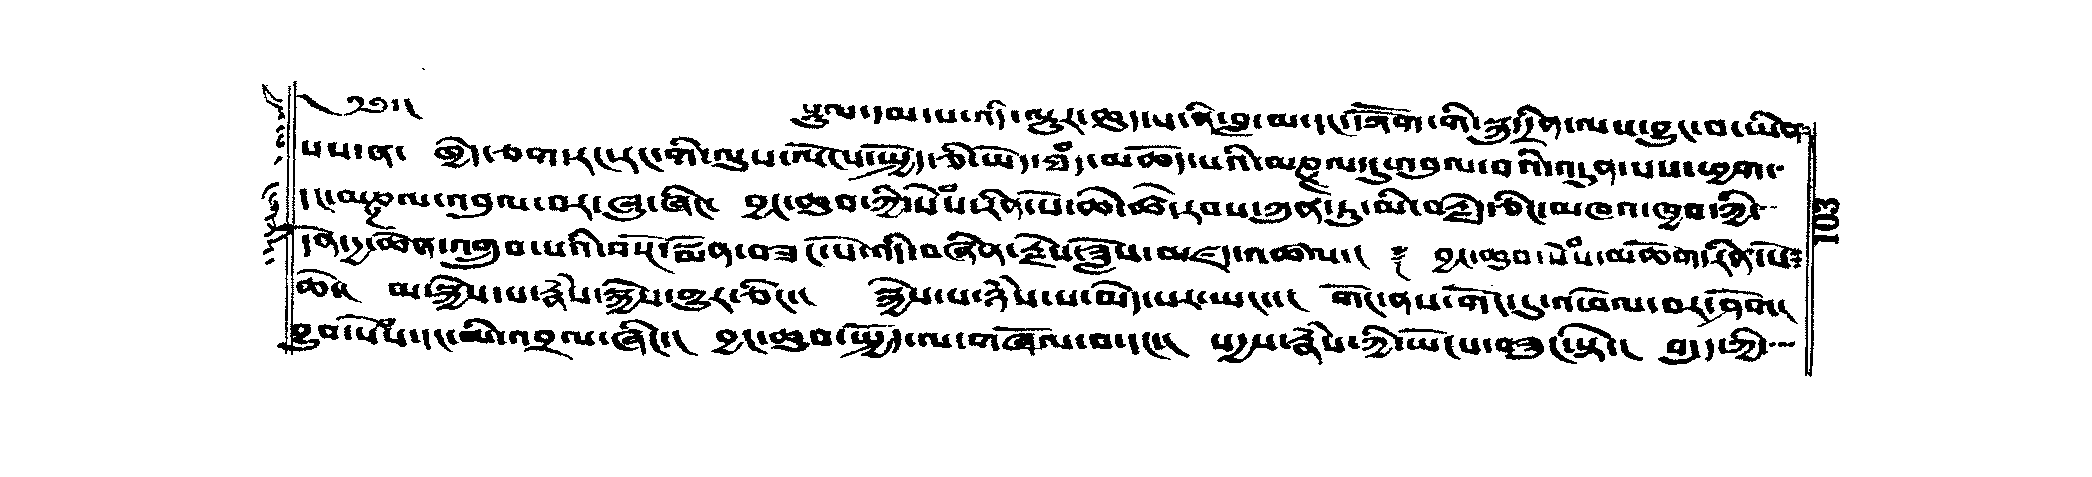སྡུག་བསྔལ་དམ་པ་འདི་ལྟ་བུར་ཆུད་པ་ནི་བླ་མ་དཀོན་མཆོག་གི་སྐུ་དྲིན་ལས་བྱུང་བ་ཡིན་
པས་ན། ཁྱེད་ཅག་རང་རང་གི་ལུས་ལོངས་སྤྱོད་ཅི་ཡོད་ཐམས་ཅད་མཆོད་པའི་མཎྜལ་དུ་འབུལ་བའི་འདུན་པས་ཕྱག་
དང་མཎྜལ་འབུལ་བར་ཞུ་ཞིང་། བྱང་ཆུབ་ཀྱི་སེམས་རིན་པོ་ཆེ་ཚེ་རབས་ཀུན་ཏུ་མི་བརྗེད་ཅིང་མཁའ་ཁྱབ་ཀྱི་
དོན་རྒྱ་ཚེན་འགྲུབ་པའི་བསྔོ་སྨོན་བཟང་པོ་འདི་བཞིན་རྗེས་ཟློས་མཛད་འཚལ། ༈ བྱང་ཆུབ་སེམས་མཆོག་རིན་པོ་
ཆེ། མ་སྐྱེས་པ་རྣམས་སྐྱེས་གྱུར་ཅིང་། སྐྱེས་པ་ཉམས་པ་མེད་པར་ཡང་། གོང་ནས་གོང་དུ་འཕེལ་བར་ཤོག 
བྱང་ཆུབ་སེམས་དང་མི་འབྲལ་ཞིང་། བྱང་ཆུབ་སྤྱོད་ལ་གཞོལ་བ་དང་། སངས་རྒྱས་རྣམས་ཀྱི་ཡོངས་བཟུང་སྟེ། བདུད་ཀྱི་